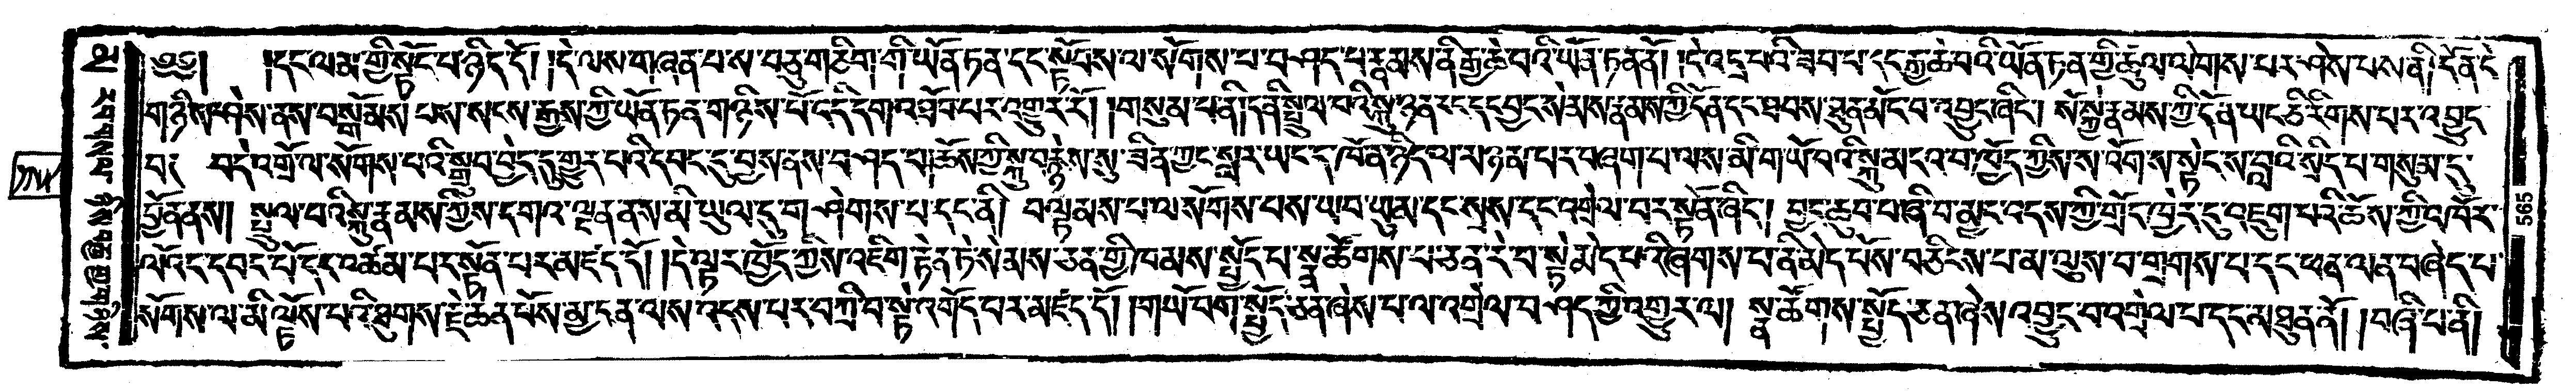༄༅། །དང་ལམ་གྱི་སྟོང་པ་ཉིད་དོ། །དེ་ལས་གཞན་པ་ས་བཅུ་གཅིག་གི་ཡོན་ཏན་དང་སྟོབས་ལ་སོགས་པ་བཤད་པ་རྣམས་ནི་རྒྱ་ཆེ་བའི་ཡོན་ཏན་ནོ། །དེ་འདྲ་བའི་ཟབ་པ་དང་རྒྱ་ཆེ་བའི་ཡོན་ཏན་གྱི་ཚུལ་ལེགས་པར་ཤེས་པས་ནི། དོན་དེ་
གཉིས་ཤེས་ནས་བསྒོམས་པས་སངས་རྒྱས་ཀྱི་ཡོན་ཏན་གཉིས་པོ་འདི་དག་འཐོབ་པར་འགྱུར་རོ། །གསུམ་པ་ནི། ད་ནི་སྤྲུལ་པའི་སྐུ་ཉན་རང་དང་བྱང་སེམས་རྣམས་ཀྱི་དོན་དང་ཐབས་ཐུན་མོང་བ་འབྱུང་ཞིང་། སོ་སྐྱེ་རྣམས་ཀྱི་དོན་ཡང་ཅི་རིགས་པར་འབྱུང་
བ༑ བདེ་འགྲོ་ལ་སོགས་པའི་སྒྲུབ་བྱེད་དུ་གྱུར་པའི་དབང་དུ་བྱས་ནས་བཤད་པ། ཆོས་ཀྱི་སྐུ་བརྙེས་སུ་ཟིན་ཀྱང་སླར་ཡང་ད་ཁོ་ན་ཉིད་ལ་མཉམ་པར་བཞག་པ་ལས་མི་གཡོ་བའི་སྐུ་མངའ་པ་ཁྱོད་ཀྱིས་ས་འོག་ས་སྟེང་ས་བླའི་སྲིད་པ་གསུམ་དུ་
བྱོན་ནས། སྤྲུལ་པའི་སྐུ་རྣམས་ཀྱིས་དགའ་ལྡན་ནས་མི་ཡུལ་དུ་གཤེགས་པ་དང་ནི། བལྟམས་པ་ལ་སོགས་པས་ཡབ་ཡུམ་དང་སྲས་དང་འགྲེལ་བར་སྟོན་ཞིང་། བྱང་ཆུབ་པ་ཞི་བ་མྱང་འདས་ཀྱི་གྲོང་ཁྱེར་དུ་འཇུག་པའི་ཆོས་ཀྱི་འཁོར་
ལོའང་དབང་པོ་དང་འཚམ་པར་སྟོན་པར་མཛད་དོ། །དེ་ལྟར་ཁྱོད་ཀྱིས་འཇིག་རྟེན་ཏེ་སེམས་ཅན་གྱི་ཁམས་སྤྱོད་པ་སྣ་ཚོགས་པ་ཅན་རེ་བ་སྟེ་སྲེད་པའི་ཞགས་པ་ནི་མང་པོས་བཅིངས་པ་མ་ལུས་པ་གྲགས་པ་དང་ཕན་ལན་བཞེད་པ་
སོགས་ལ་མི་ལྟོས་པའི་ཐུགས་རྗེ་ཆེན་པོས་མྱ་ངན་ལས་འདས་པར་བཀྲི་བ་སྟེ་འགོད་པར་མཛད་དོ། །གཡོ་བག་སྤྱོད་ཅན་ཞེས་པ་ལ་འགྲེལ་བཤད་ཀྱི་འགྱུར་ལ། སྣ་ཚོགས་སྤྱོད་ཅན་ཞེས་འབྱུང་བ་འགྲེལ་པ་དང་མཐུན་ནོ། །བཞི་བ་ནི།